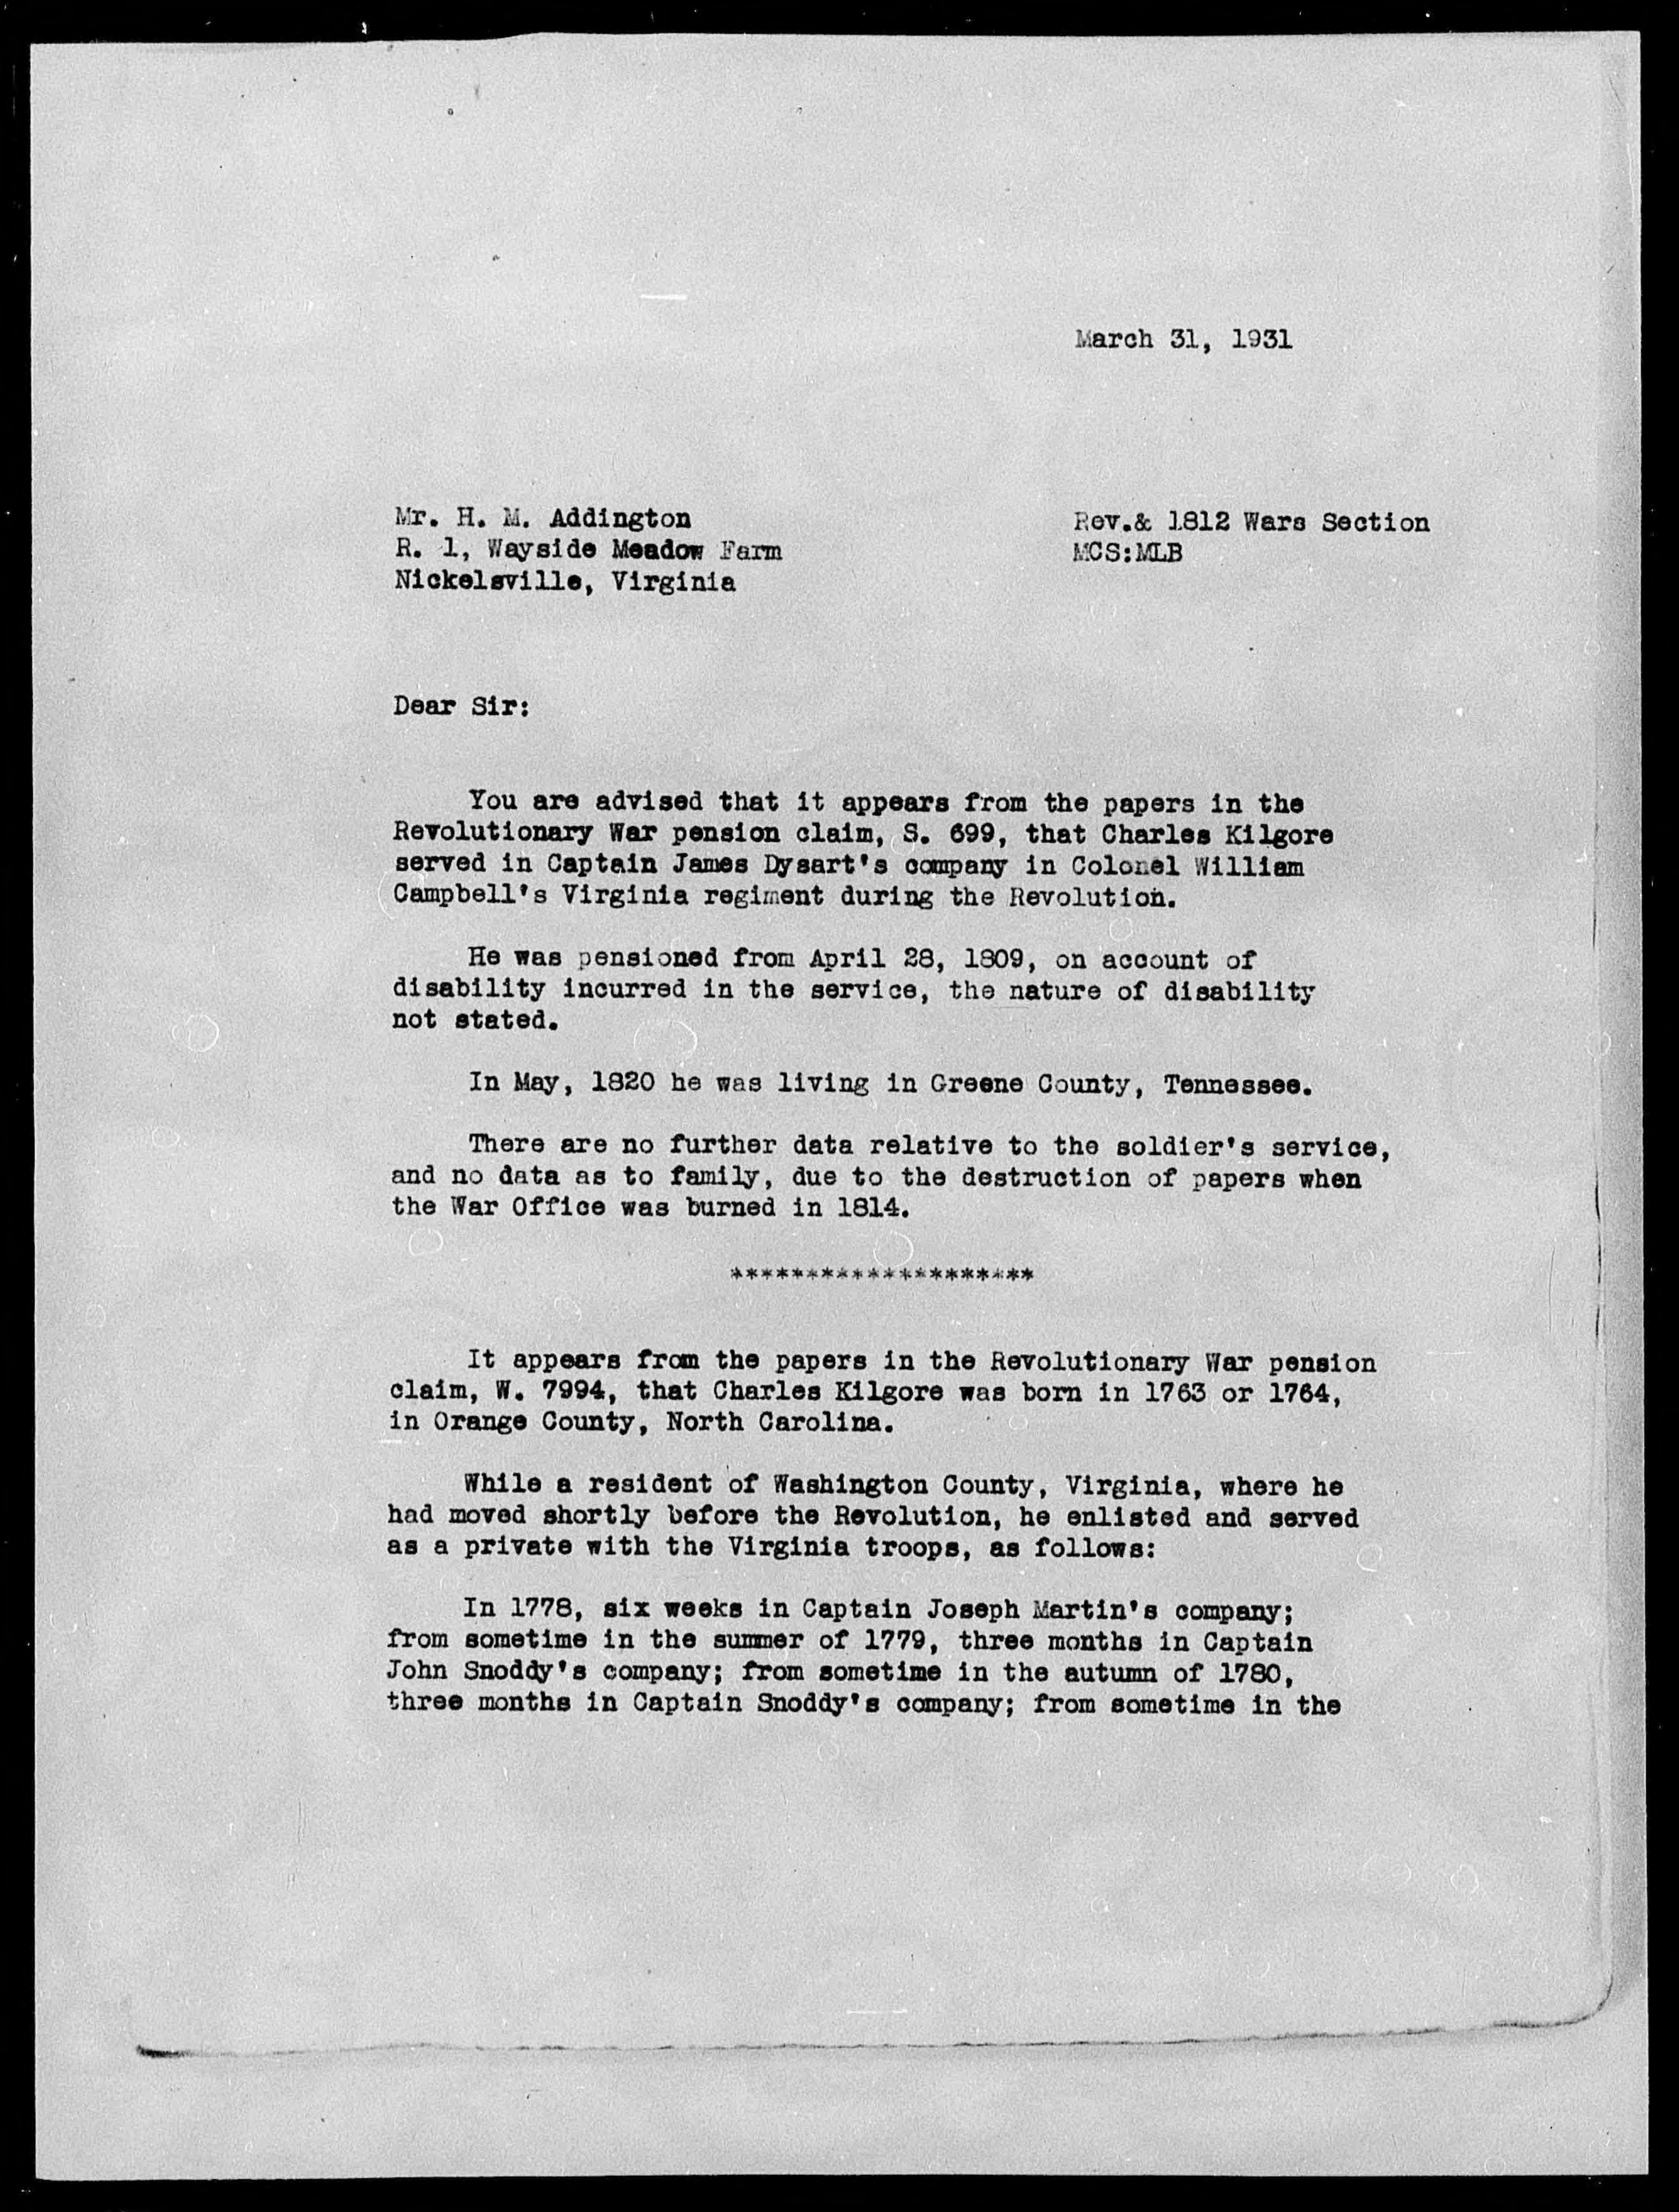March 31, 1931
Rev.& 1812 Wars Section
MCS: MLB

Mr. H. M. Addington
R. 1, Wayside Meadow Farm
Nicklesville, Virginia

Dear Sir:
You are advised that it appears from the papers in the Revolutionary War pension claim, S. 699, that Charles Kilgore served in Captain James Dysart's company in Colonel William Campbell's Virginia regiment during the Revolution.
He was pensioned from April 28, 1809, on account of disability incurred in the service, the nature of disability not stated.
In May, 1820 he was living in Greene County, Tennessee.
There are no further data relative to the soldier's service, and no data as to family, due to the destruction of papers when
the War Office was burned in 1814.
**********
It appears from the papers in the Revolutionary War pension claim, W. 7994, that Charles Kilgore was born in 1763 or 1764, in Orange County, North Carolina.
While a resident of Washington County, Virginia, where he had moved shortly before the Revolution, he enlisted and served
as a private with the Virginia troops, as follows:
In 1778, six weeks in Captain Joseph Martin's company; from sometime in the summer of 1779, three months in Captain John Snoddy's company; from sometime in the autumn of 1780, three months in Captain Snoddy's company; from sometime in the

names: Charles Kilgore; H M Addington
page: 20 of 115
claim: survivor's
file: S. 699, for Charles Kilgore, Virginia